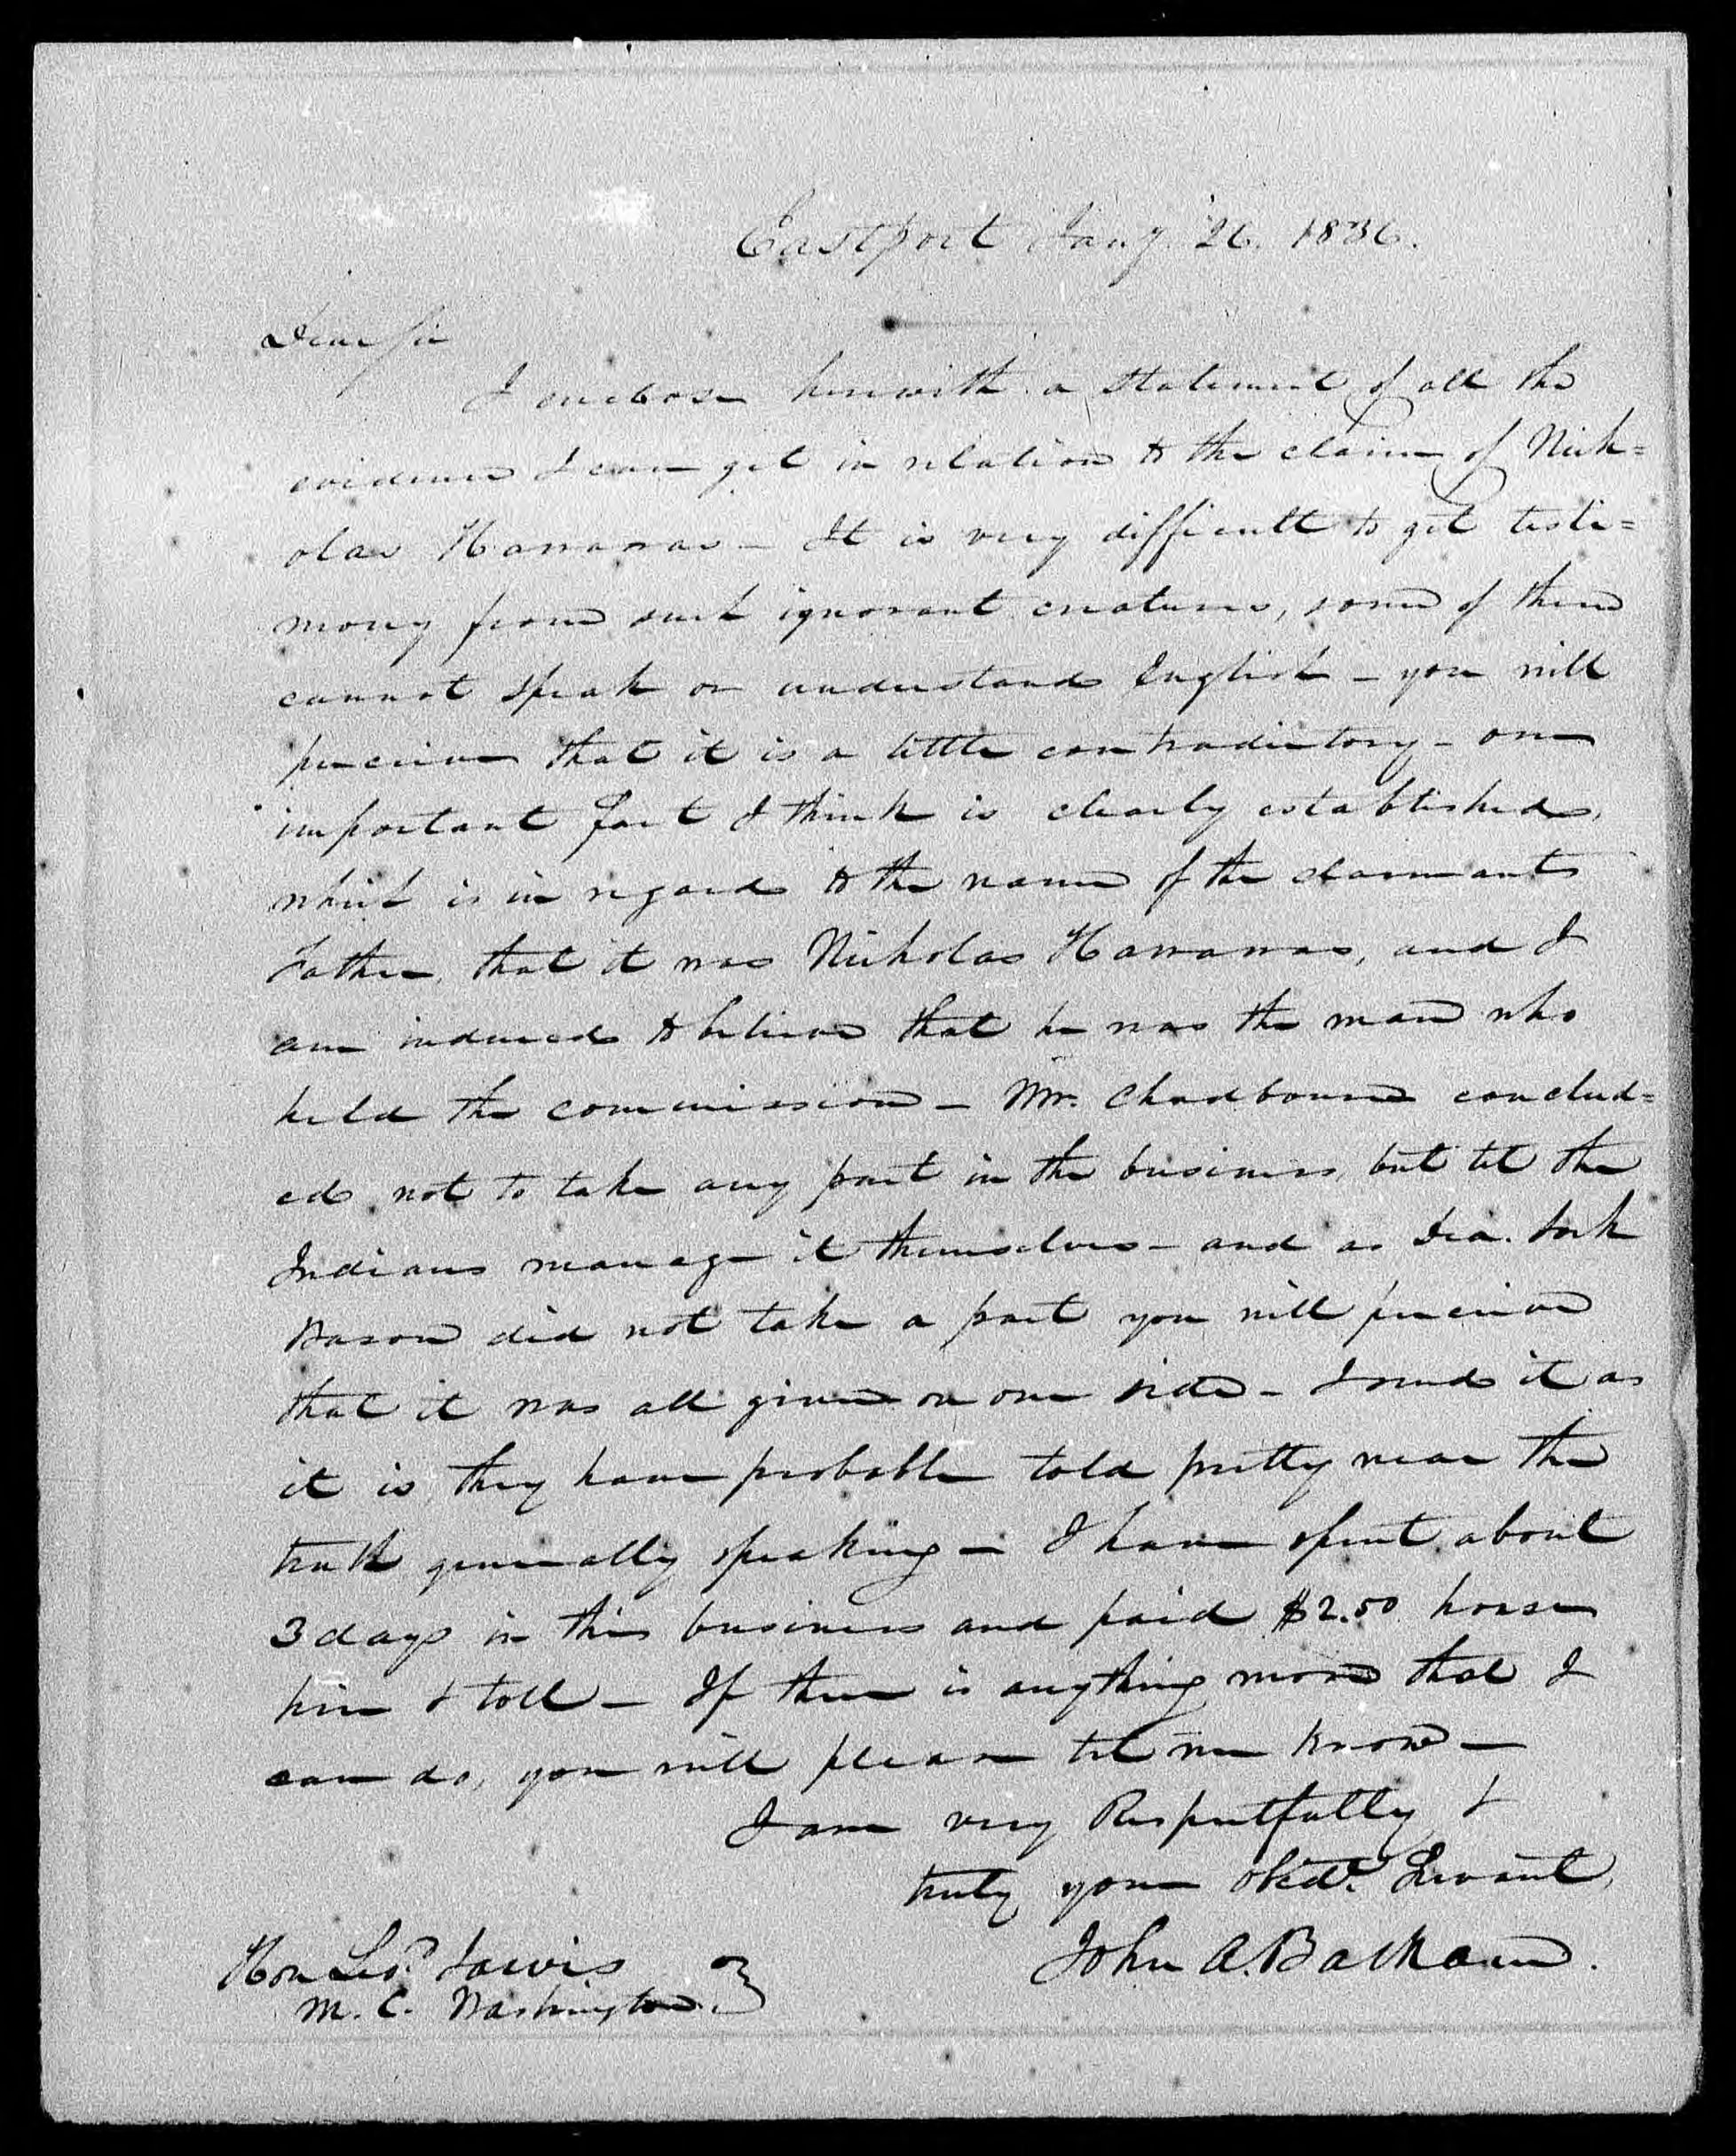Eastport Jany 26, 1836

Dear Sir

I enclose herewith a statement of all the
evidence I can get in relation to the claim of Nich=
olas Hawawas – It is very difficult to get testi=
mony from such ignorant creatures, some of them
cannot speak or understand English – you will
perceive that it is a little contradictory – one
important fact I think is clearly established
which is in regard to the name of the claimants
Father, that it was Nicholas Hawawas, and I
am induced to believe that he was the man who
held the commission – Mr. Chadbourn conclud=
ed not to take any part in the business, but til the
Indians manage it themselves – and as [Dia?] Sock
Bason did not take a part you will perceive
that it was all given on one side – I [illegible] it as
it is they have probable told pretty near the
truth generally speaking – I have spent about
3 days in this business and paid $2.50 horse
price & toll – If there is anything more that I
can do, you will please let me know —

I am very Respectfully &
truly yours [Obedt?] Levant,
John A. Barnam

Ohn Lisd Jarvis
M. C. Washington }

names: Nicholas Hawawas, Nicholas Hawawas, Leod Jarvis, John A Balkam, Chadbourn, Sock Bason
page: 28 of 52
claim: survivor's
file: S 17997, Nicholas Hawwawas, Mass.